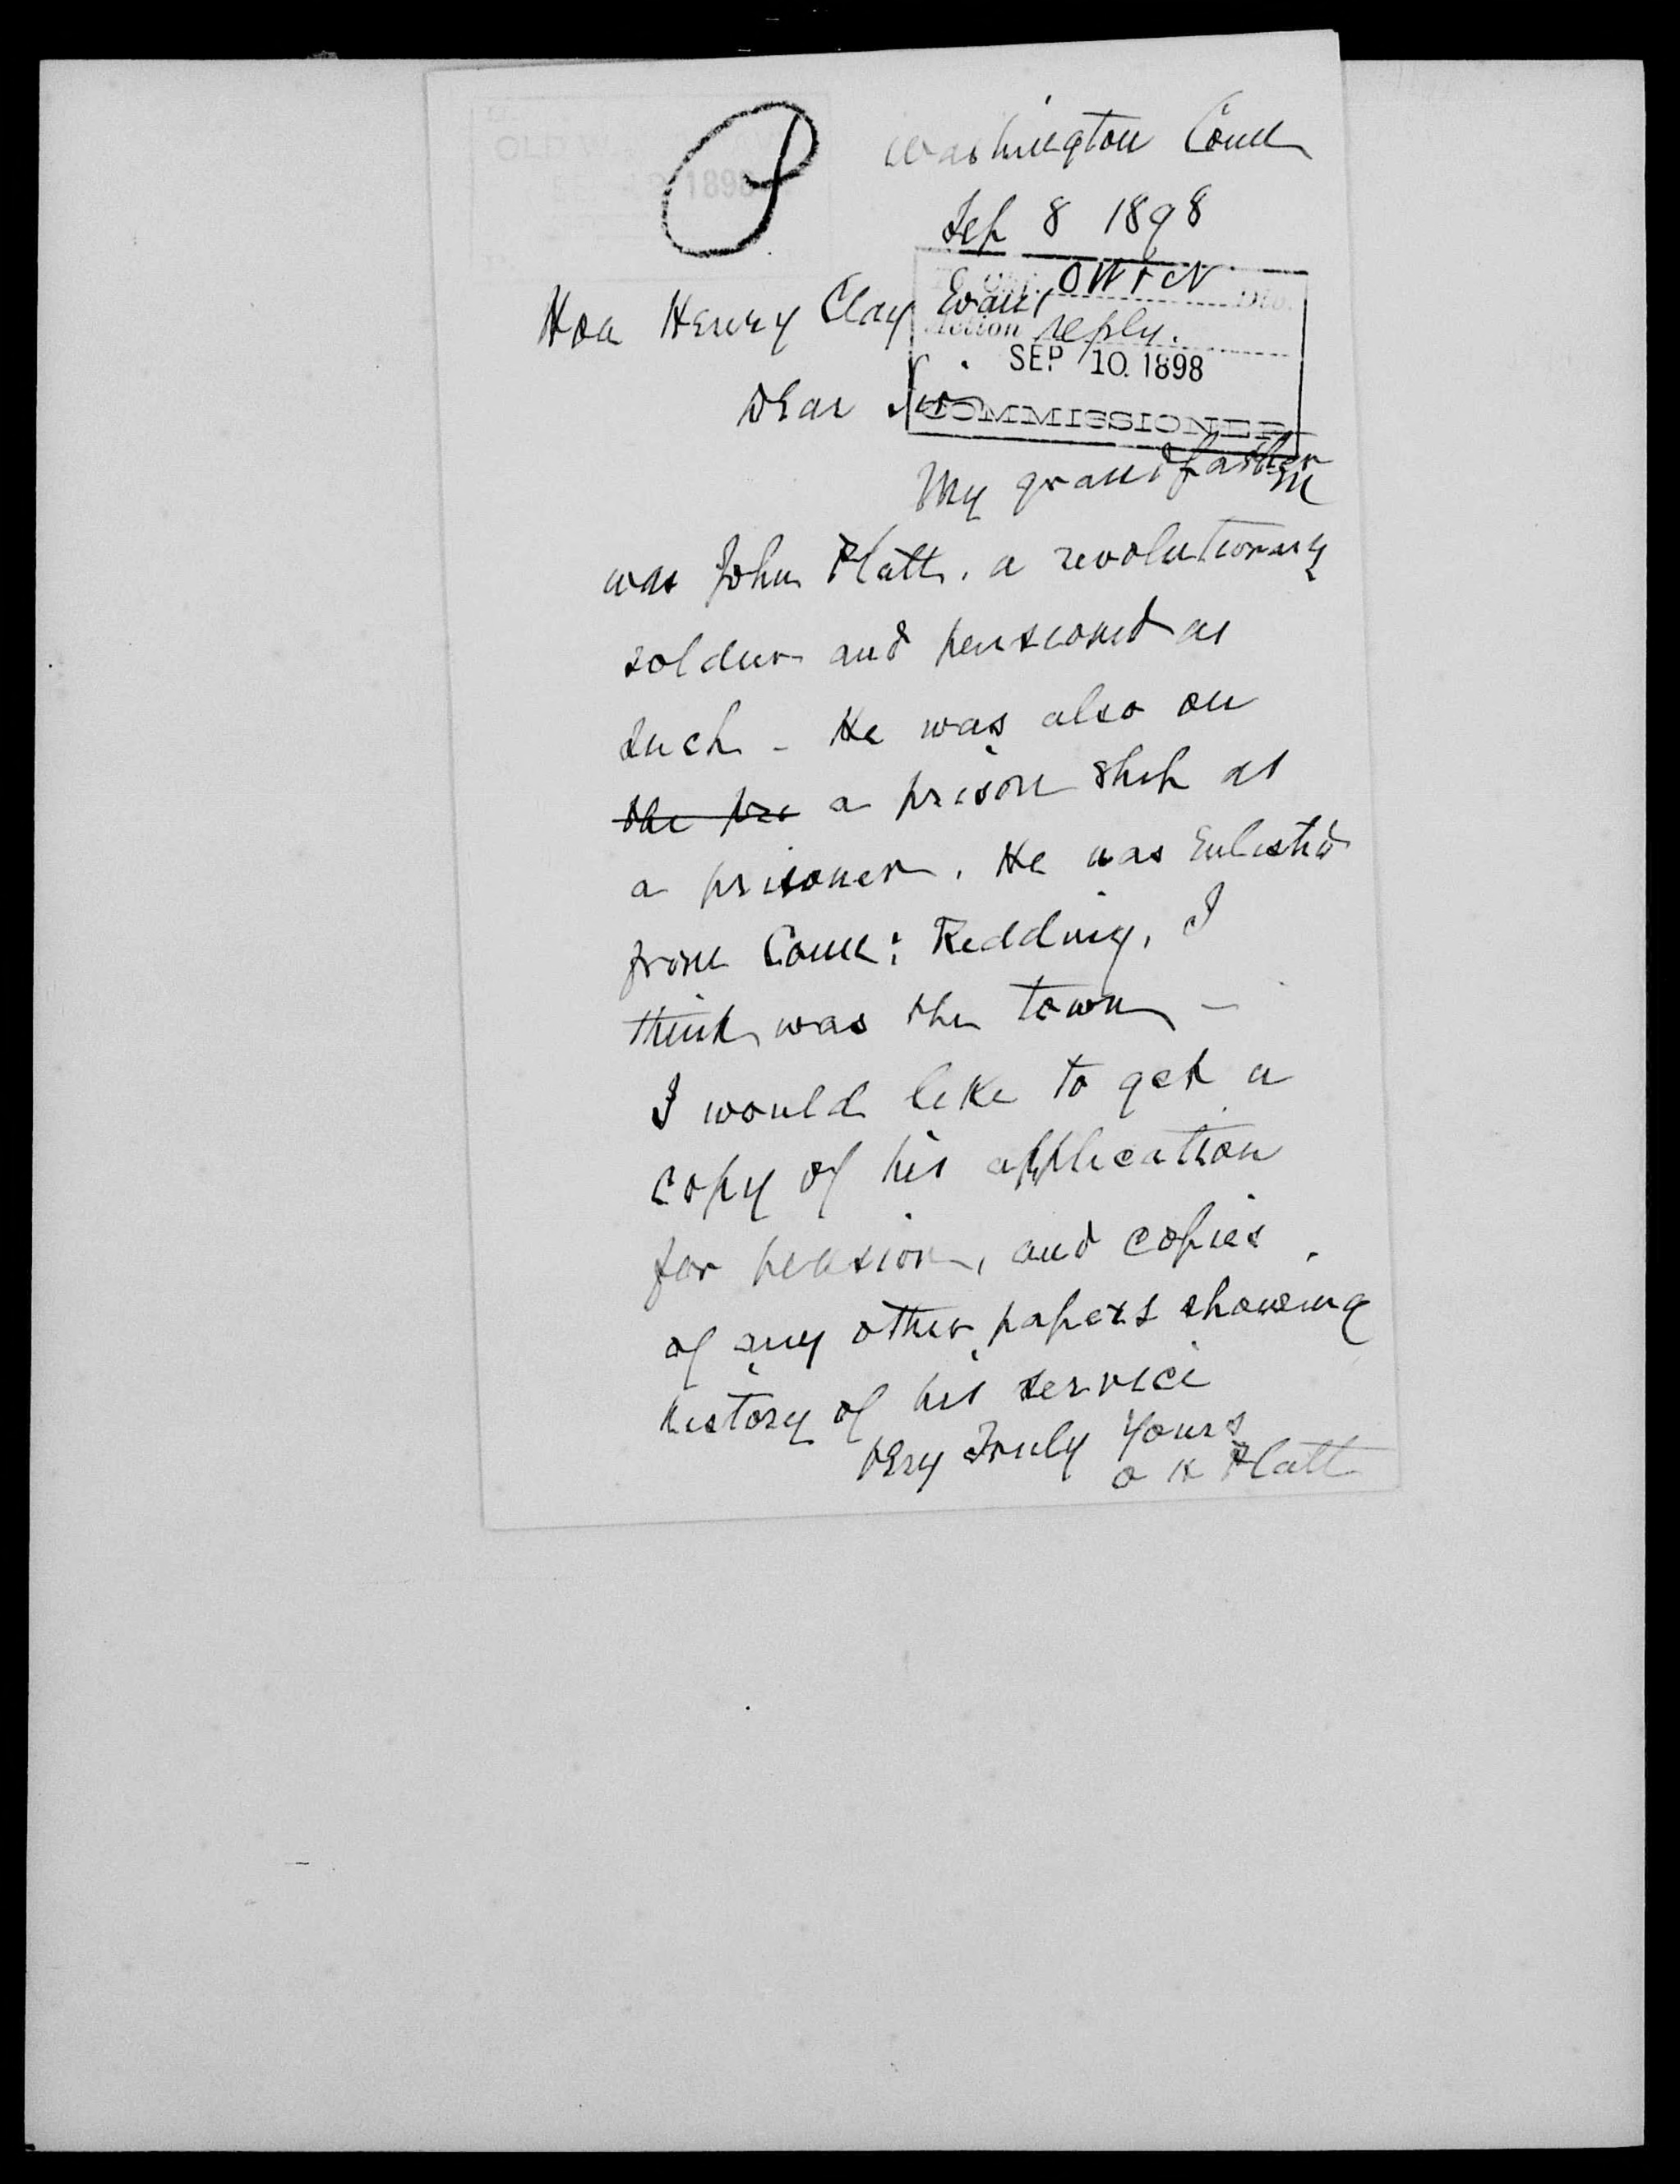Washington Court
Sep 8 1898
Hon Henry Clay [illegible]
OW&N
Action reply
SEP 10 1898
COMMISSIONER
Dear Sir
My grandfather
was John Platt, a revolutionary
soldier and pensioned as
such - He was also on
a prison ship as
a prisoner. He was enlisted
from Conn. Redding I
think was the town -
I would like to get a
copy of his application
for pension, and copies
of any other papers showing
history of his service
Very Truly Yours
O H Platt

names: O H Platt; Henry Clay; John Platt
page: 9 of 12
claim: survivor's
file: S. 36,233, for John Platt, Connecticut